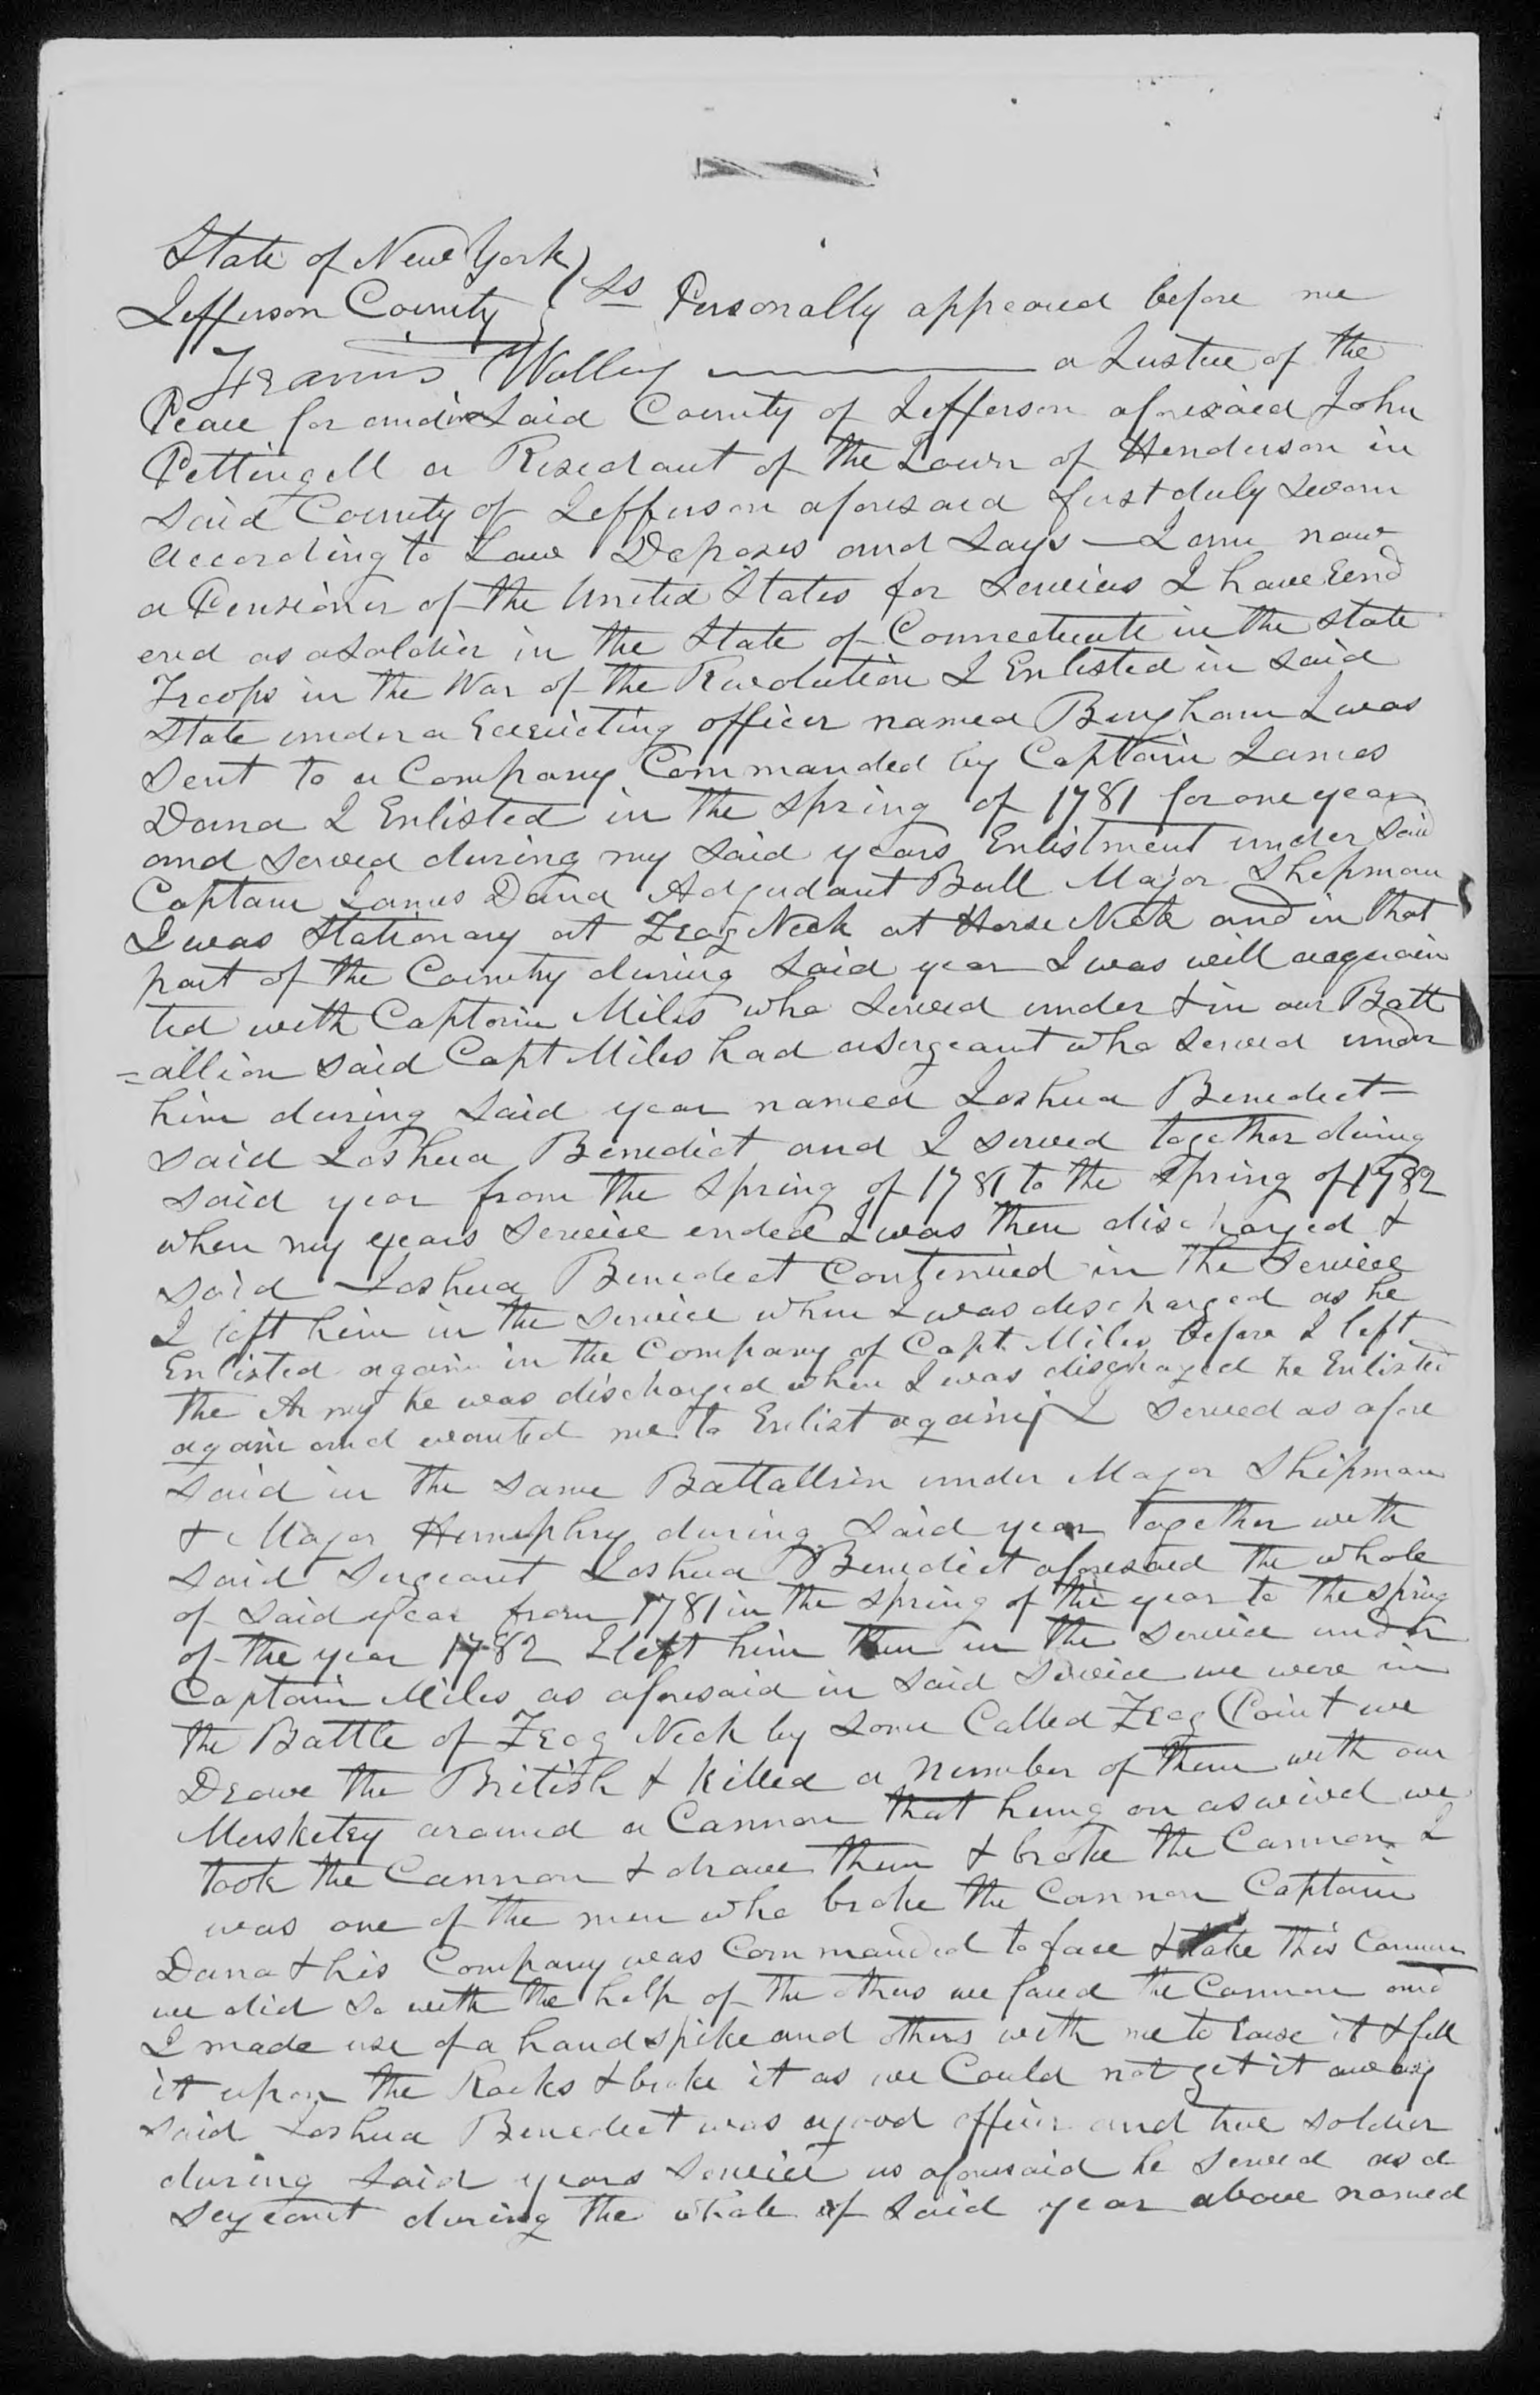State of New York
Jefferson County } ss Personally appeared before me Francis Walley ~ a Justice of the Peace for and in said County of Jefferson aforesaid John Pettingell a Residant [resident] of the Town of Henderson in said County of Jefferson aforesaid first duly sworn according to law Deposes and says - I am now a Pensioner of the United States for services I have rendered as a soldier in the state of Connecticutt [Connecticut] in the state Troops in the War of the Revolution I Enlisted in said state under a recruiting officer named Bengham I was sent to a Company Commanded by Captain James Dana I Enlisted in the spring of 1781 for one year and served during my said years Enlistment under said Captain James Dana Adjutant Bull Major Shipman I was stationary at Frog Neck at Horse Neck and in that part of the Country during said year I was well acquainted with Captain Miles who served under & in our Battallion [battalion] said Capt Miles had a sergeant who served under him during said year named Joshua Benedict - said Joshua Benedict and I served together during said year from the spring of 1781 to the spring of 1782 when my years service ended I was then discharged & said Joshua Benedict Continued in the services I left him in the service when I was discharged as he Enlisted again in the company of Capt Miles before I left the Army he was discharged when I was discharged he Enlisted again and wanted me to Enlist again I served as aforesaid in the same Battallion [battalion] under Major Shipman & Major Humphry [Humphreys] during said year together with said Sergeant Joshua Benedict aforesaid the whole of said year from 1781 in the spring of the year to the spring of the year 1782 I left him in the service under Captain Miles as aforesaid in said service we were in the Battle of Frog Neck by some called Frog Point we Drove the British & killed a number of them with our Musketry around a Cannon that hung on a swivel we took the Cannon & drove them & broke the Cannon I was one of the men who broke the Cannon Captain Dana & his Company was Commanded to face & take this Cannon we did so with the help of the others we faced the Cannon and I made use of a handspike and others with me to raise it & fell it upon the Rocks & broke it as we Could not get it away said Joshua Benedict was a good officer and true soldier during said years service as aforesaid he served as a sergeant during the whole of said year above named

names: Miles, Ball, Shipman, Miles, John Pettingell, Humphry, Joshua Benedict, Dana, Miles, James Dana, Francis Wolley, James Dana, Joshua Benedict, Joshua Benedict, Miles, Shepman, Joshua Benedict, Joshua Benedict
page: 29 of 106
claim: survivor's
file: S 23,116., Joshua Benedict, Conn.